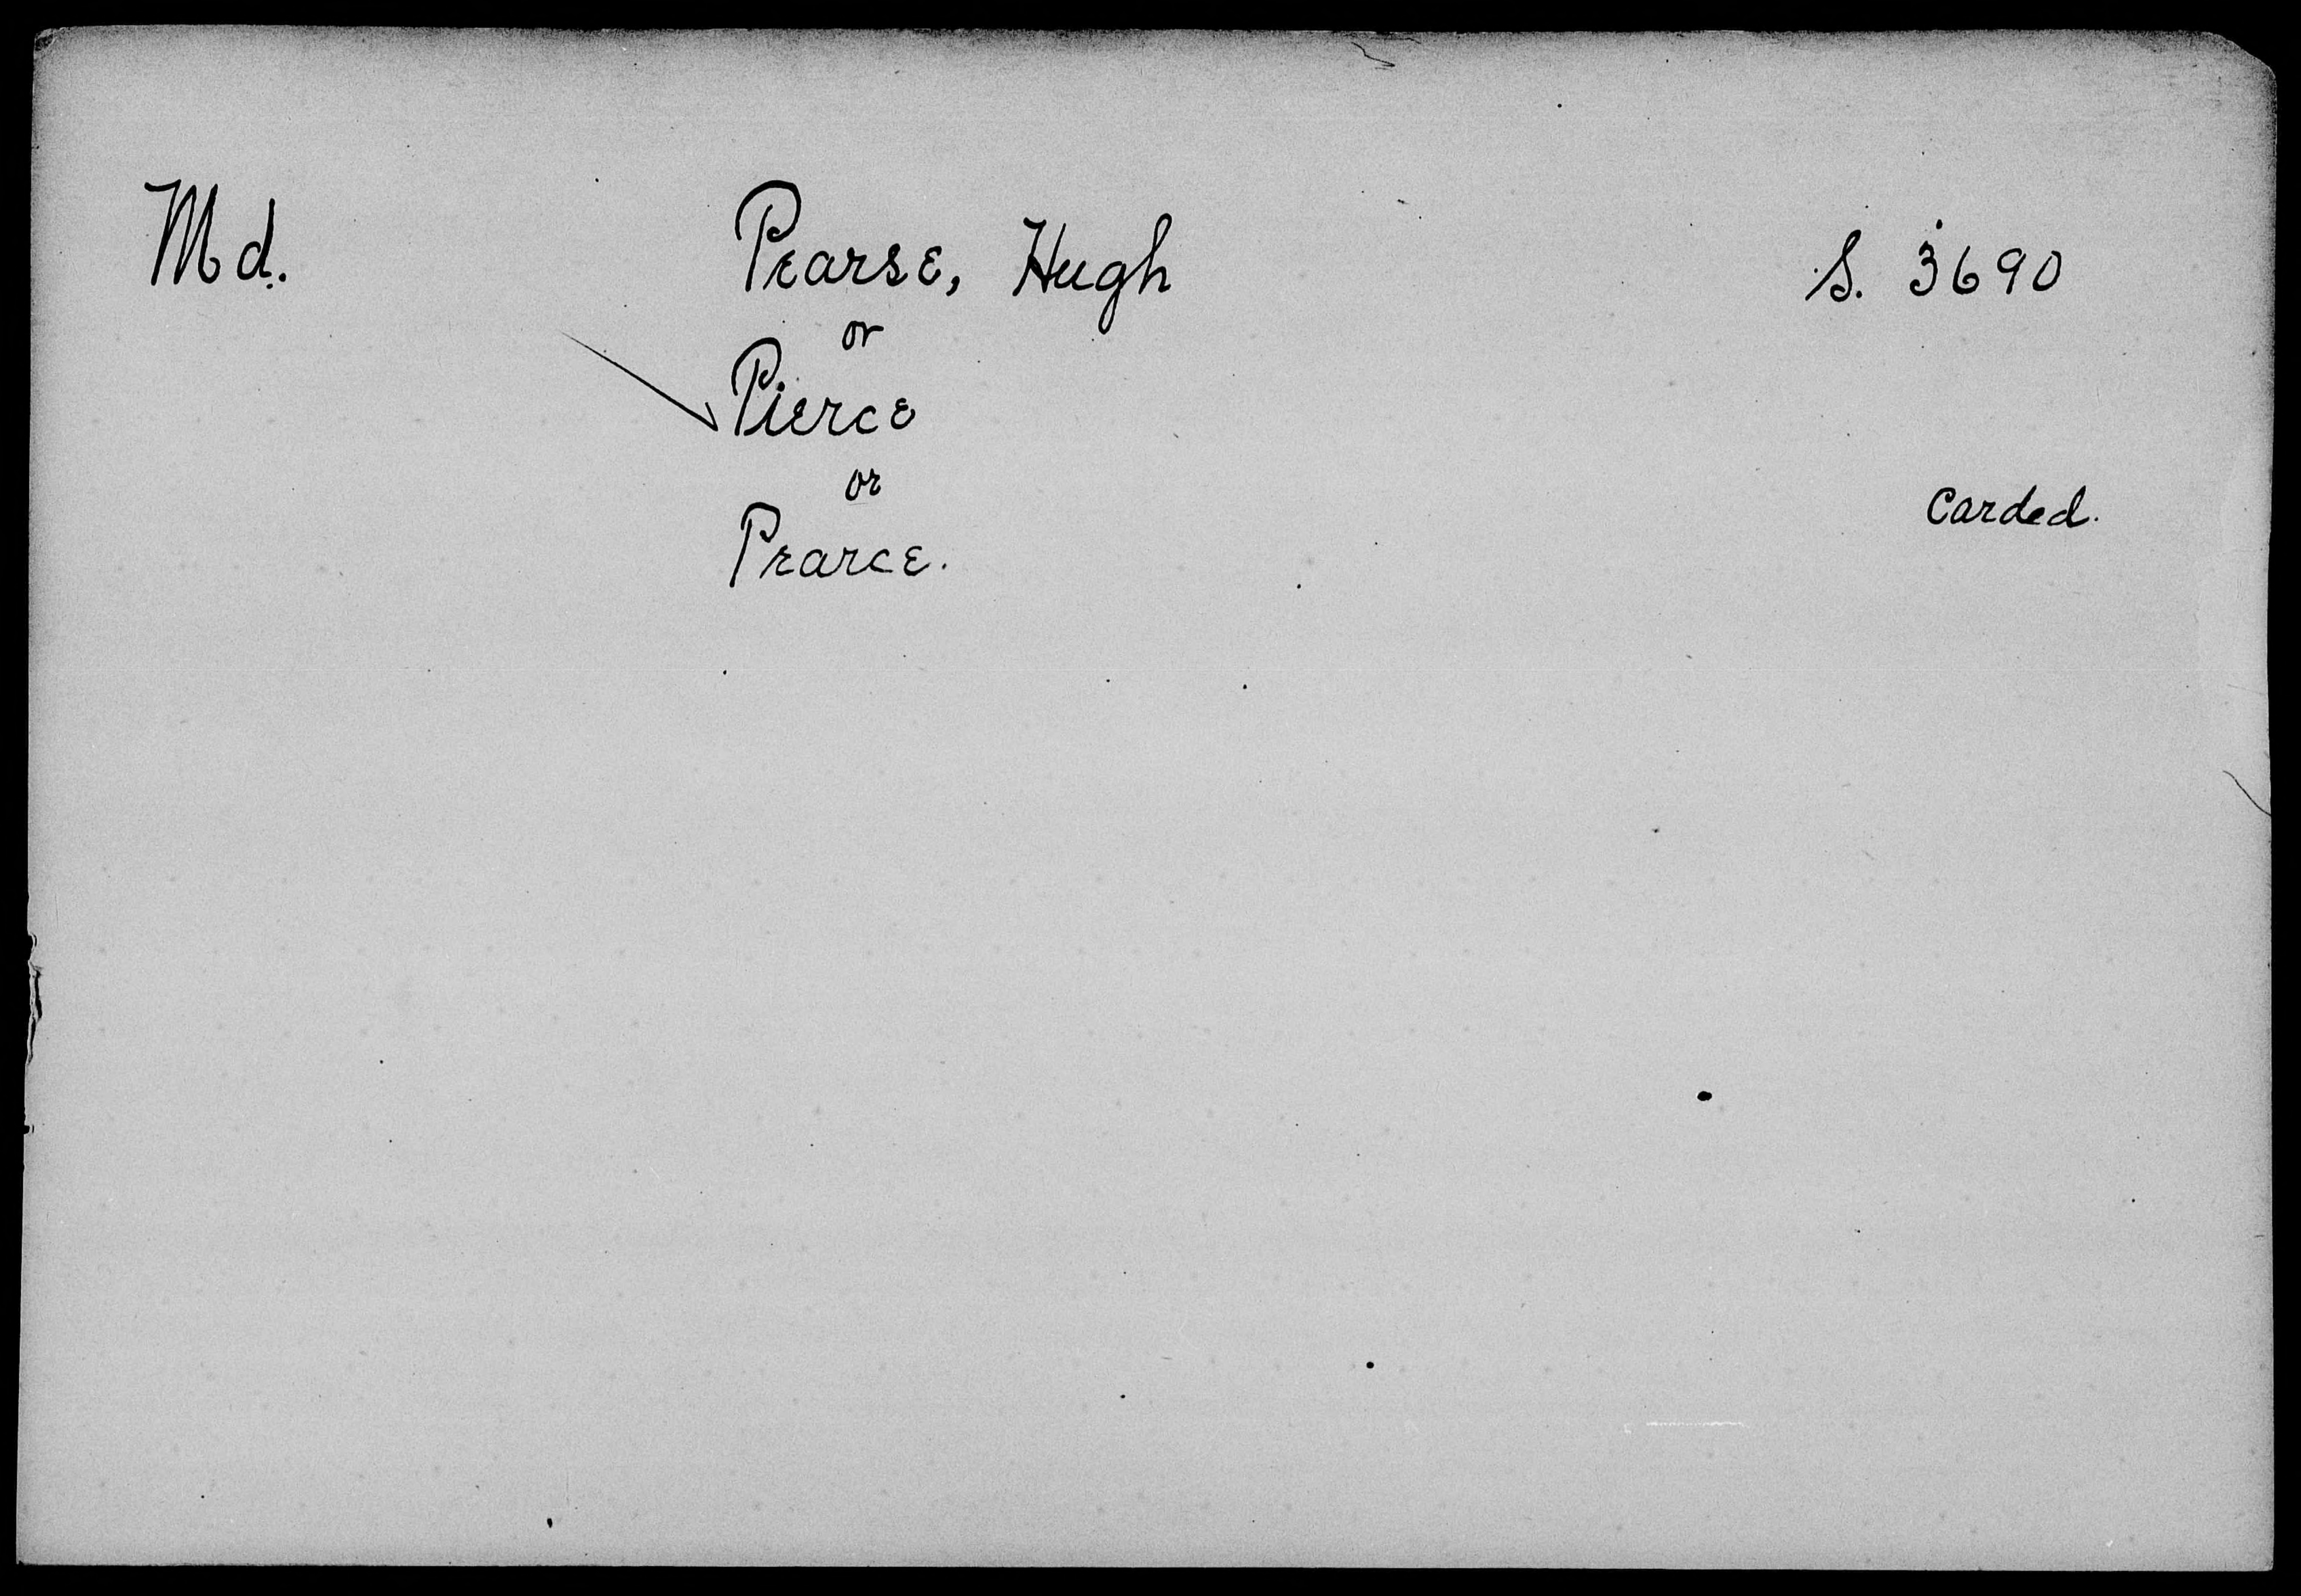Md.

Pearse, Hugh
or
[check mark] Pierce
or
Pearce

S. 3690

carded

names: Hugh Pearce; Hugh Pierce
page: 1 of 1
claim: survivor's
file: S. 3690, for Hugh Pearse, Maryland